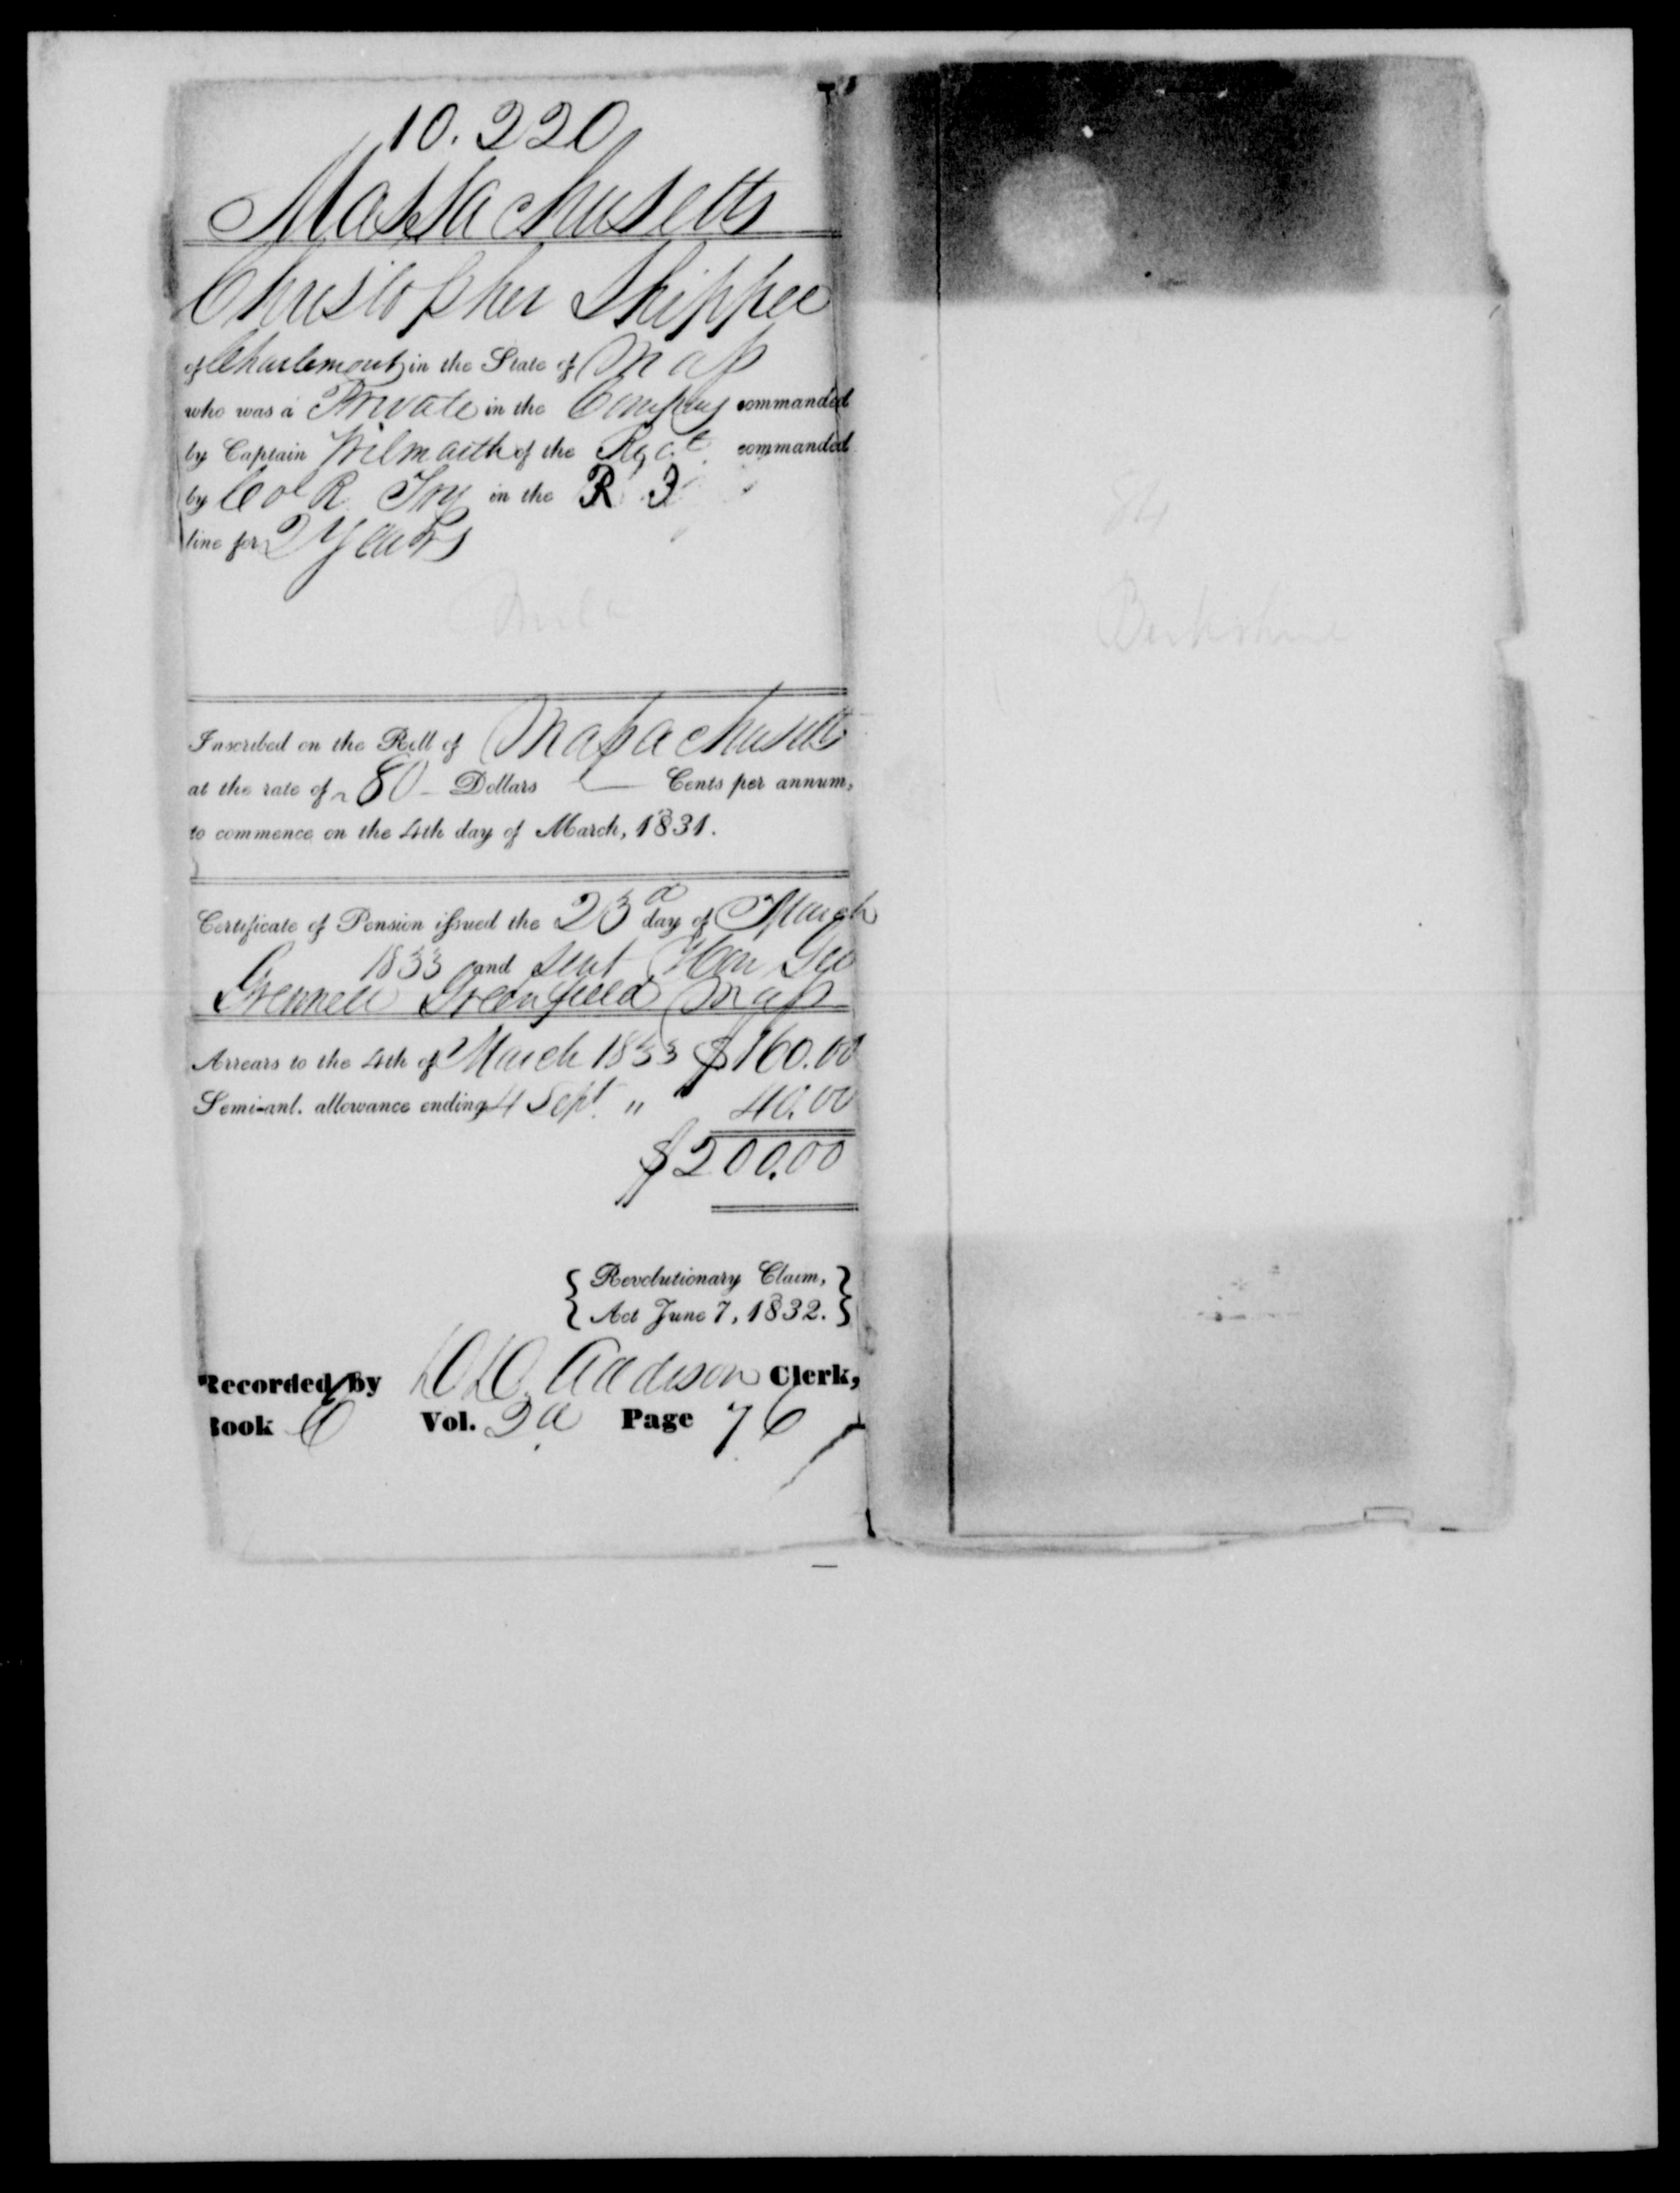10.220
Massachusetts
Christopher Shippel
of Charlemont in the State of Mass
who was a Private in the Company commanded
by Captain Wilmarth of the Regt commanded
by Col R. Try in the R. I. line for 2 years
Inscribed on the Roll of Massachusetts
at the rate of 80. Dollars - Cents per annum,
to commence on the 4th day of March, 1831.
Certificate of Pension issued the 23rd day of March 1833 and sent Hon Lee Grennell Greenfield Mass
Arrears to the 4th of March 1833 $160.00
Semi-anl. allowance ending 4 Sept 1833 $40.00
$200.00
Revolutionary Claim,
Act June 7, 1832.

Recorded by D.D. Addison Clerk,
Book C Vol. 2a Page 76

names: [BLANK] Wilmarth; Christopher Shippee; D D Addison; R Fry; Geo Grennell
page: 2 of 20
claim: survivor's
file: S. 30,698, for Christopher Shippee, Rhode Island